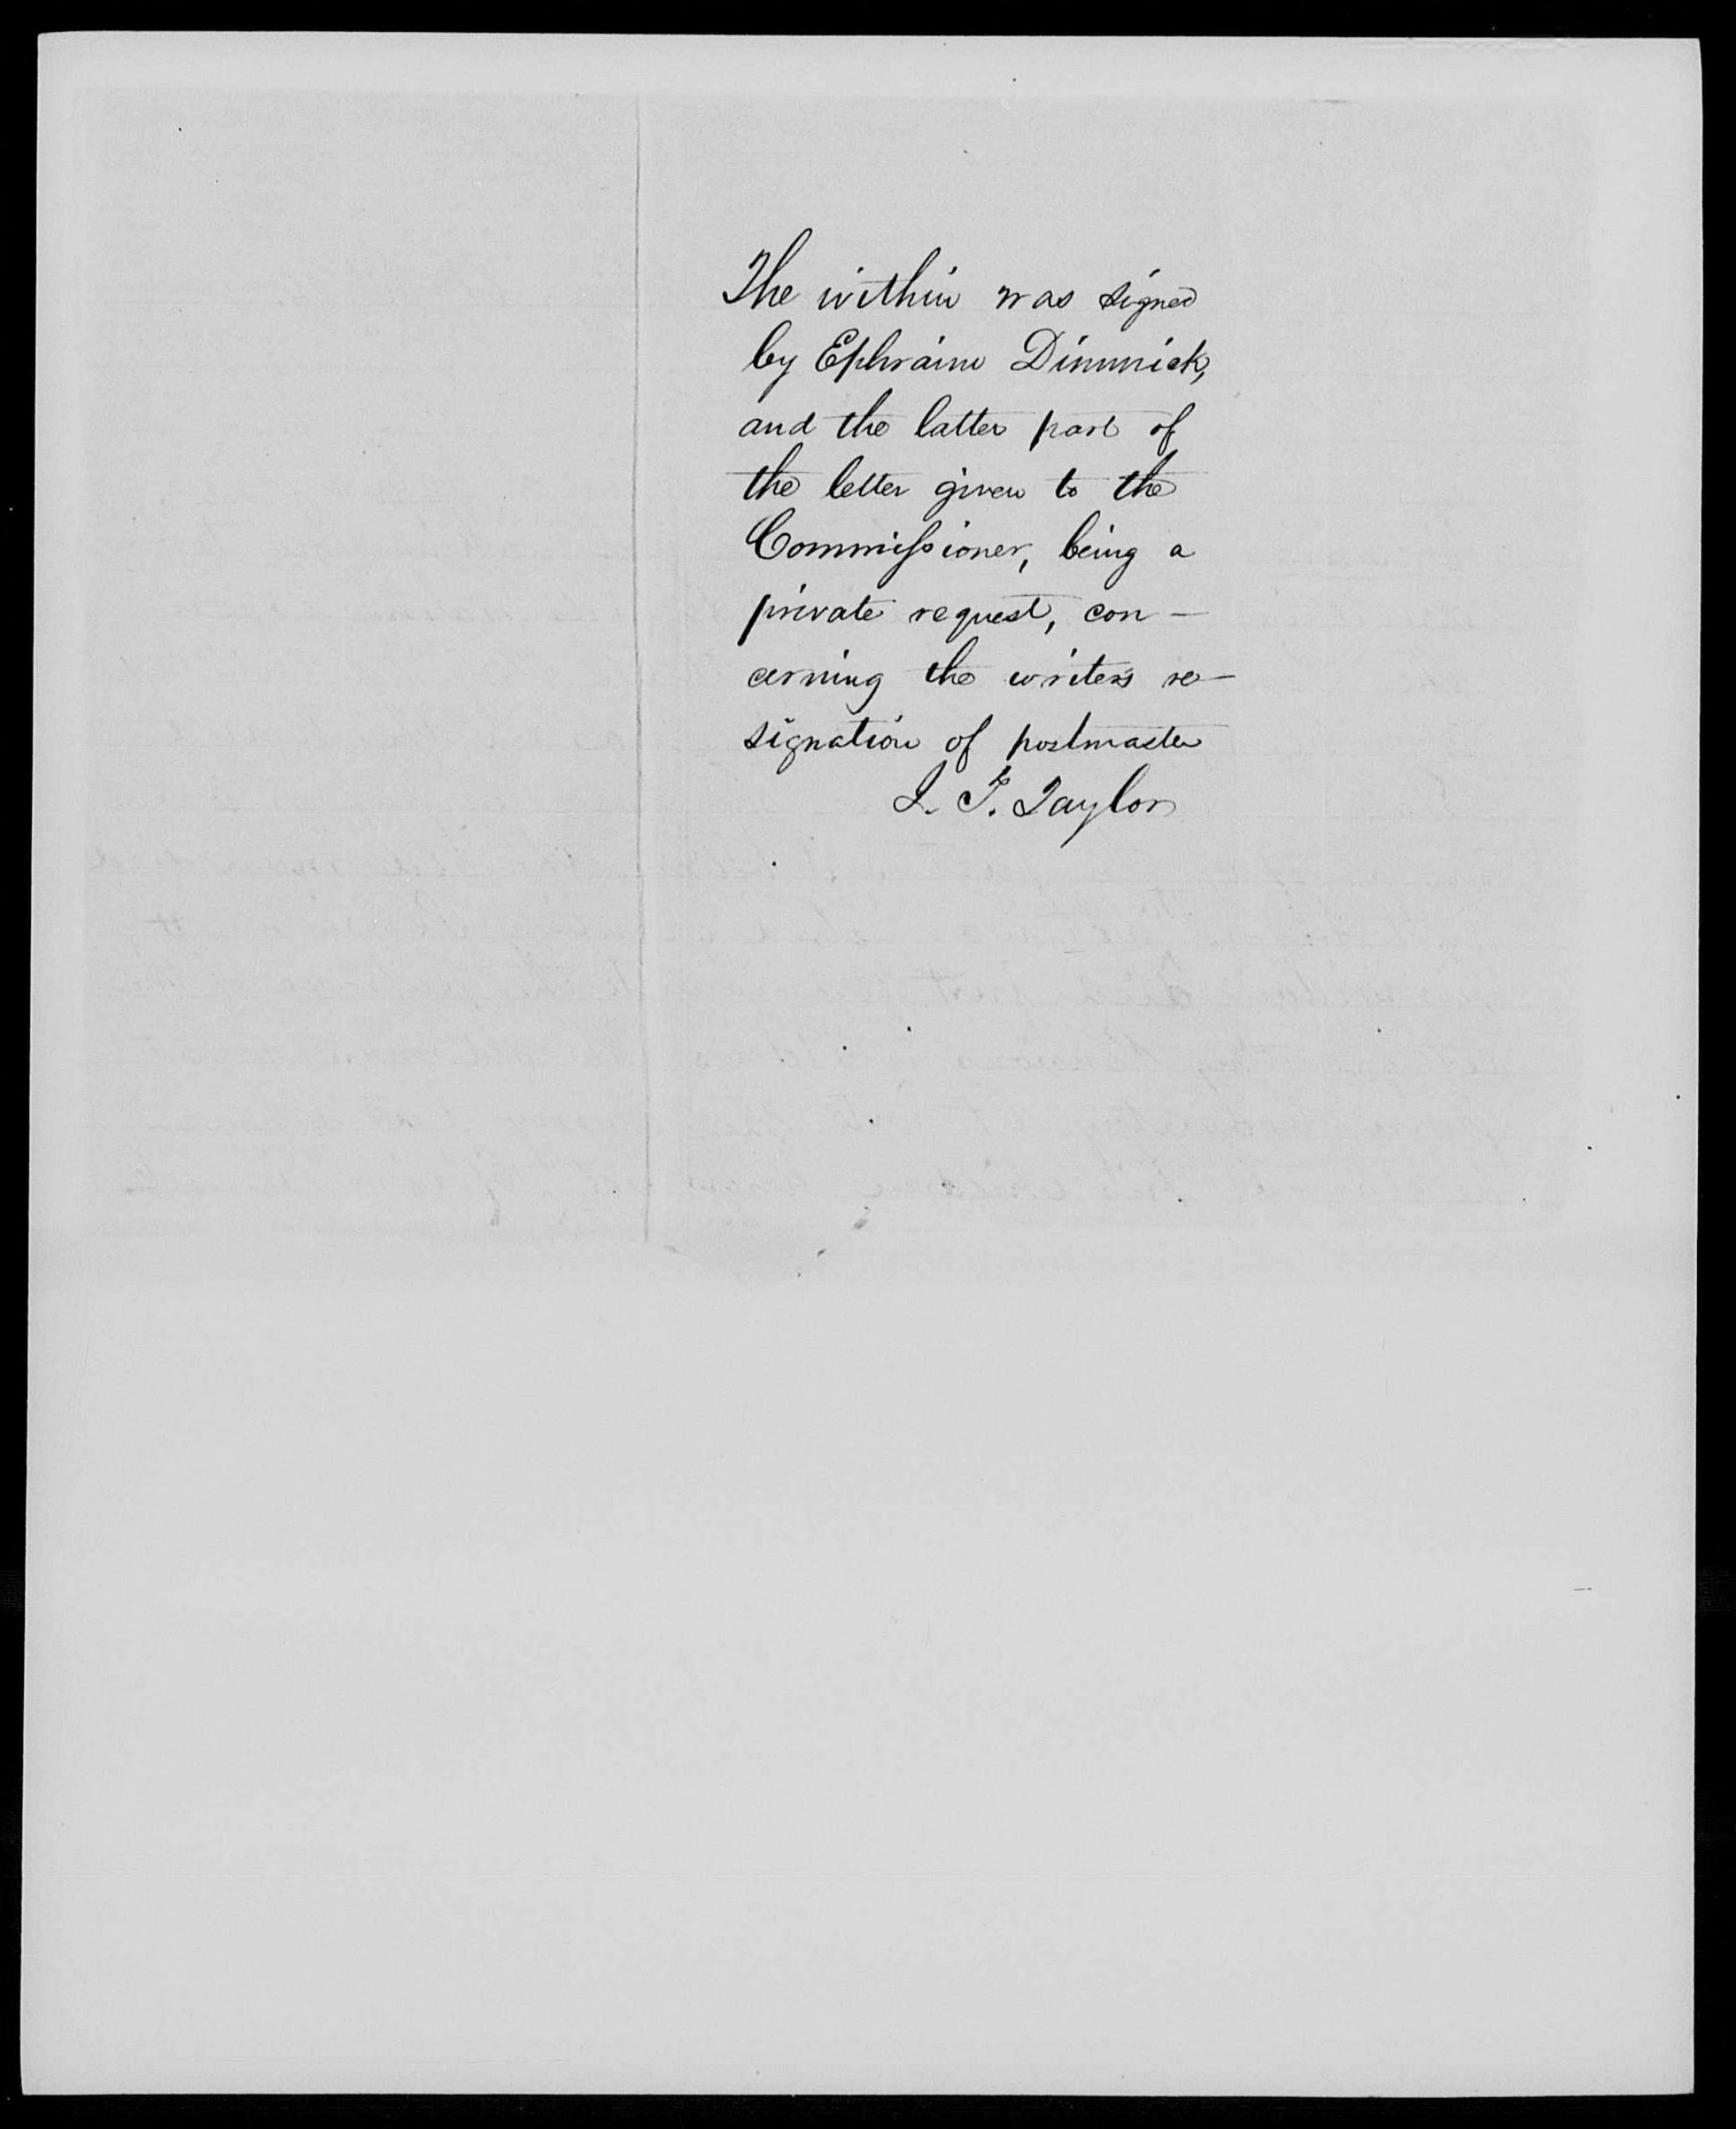The within was signed by Ephraim Dimmick, and the latter part of the letter given to the Commissioner, being a private request, concerning the writer's resignation of postmaster.

J.T. Taylor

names: Ephraim Dimmick, J T Taylor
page: 28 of 50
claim: survivor's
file: S 10607, Jabez Edwards, Conn.